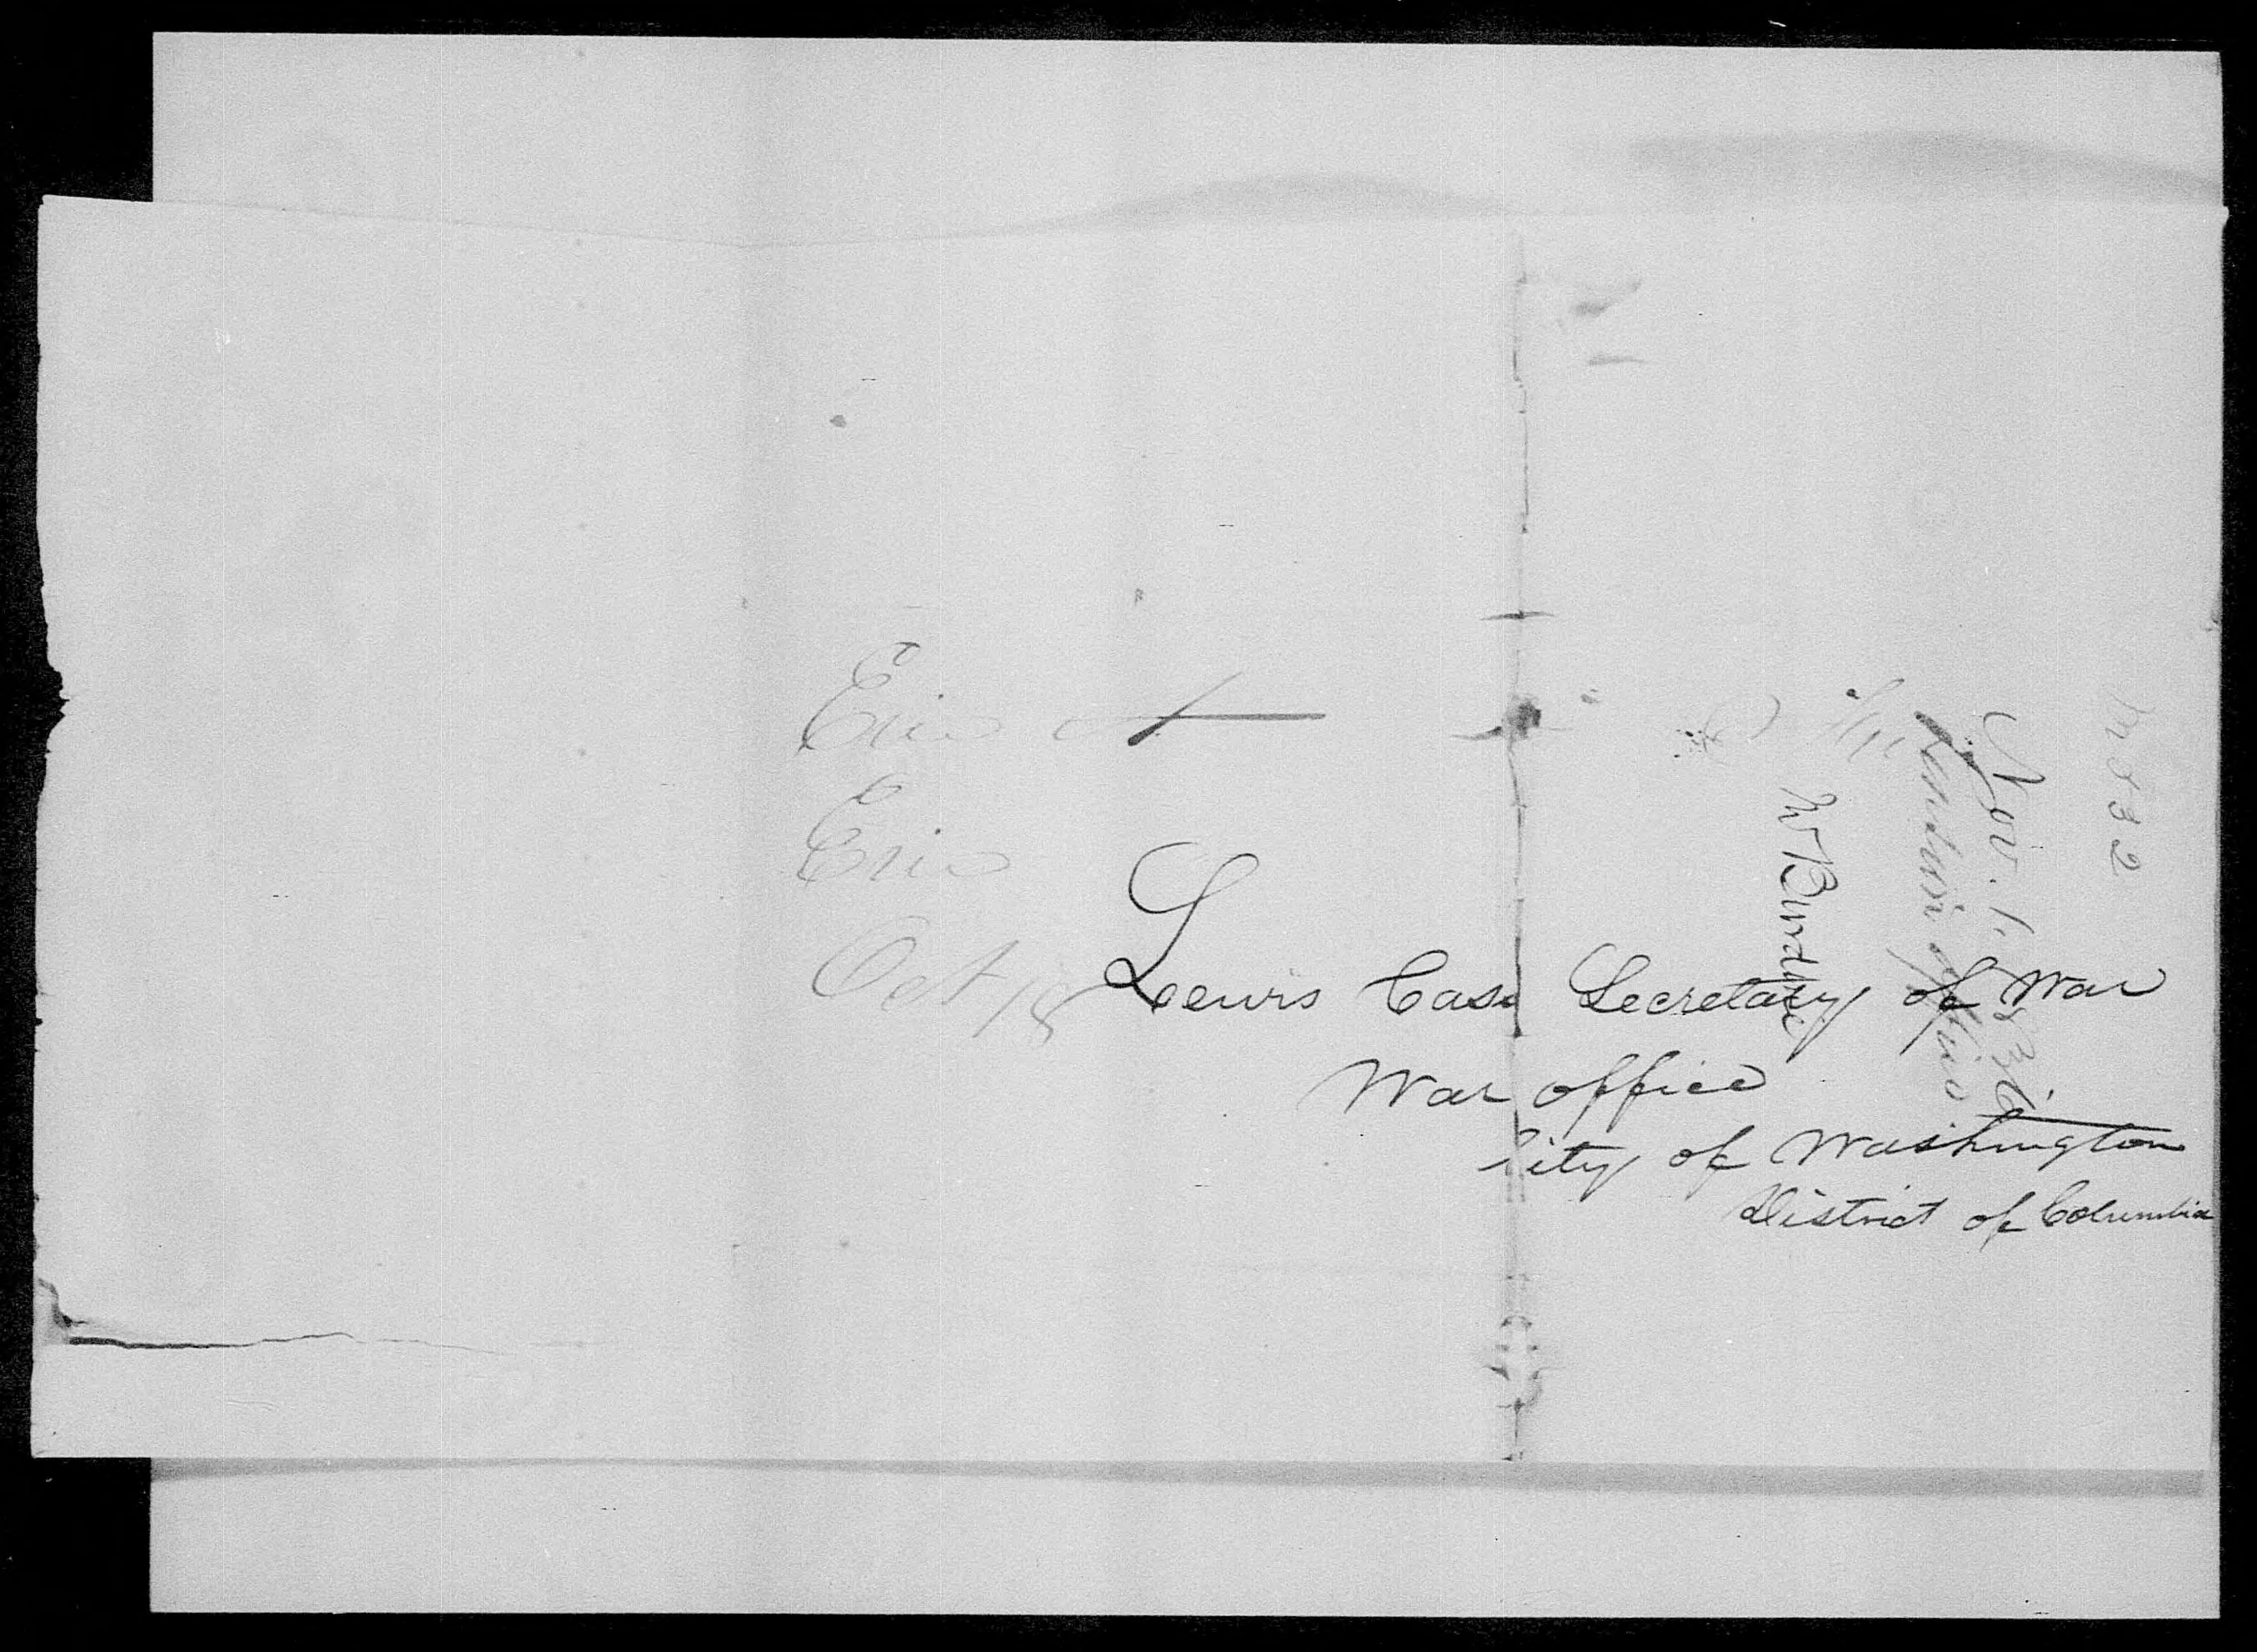Erie
Erie
Oct 18

Lewis Cass, Secretary of War
War Office
City of Washington
District of Columbia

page: 16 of 45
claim: survivor's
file: S. 13,890, for James Mc Carter, South Carolina